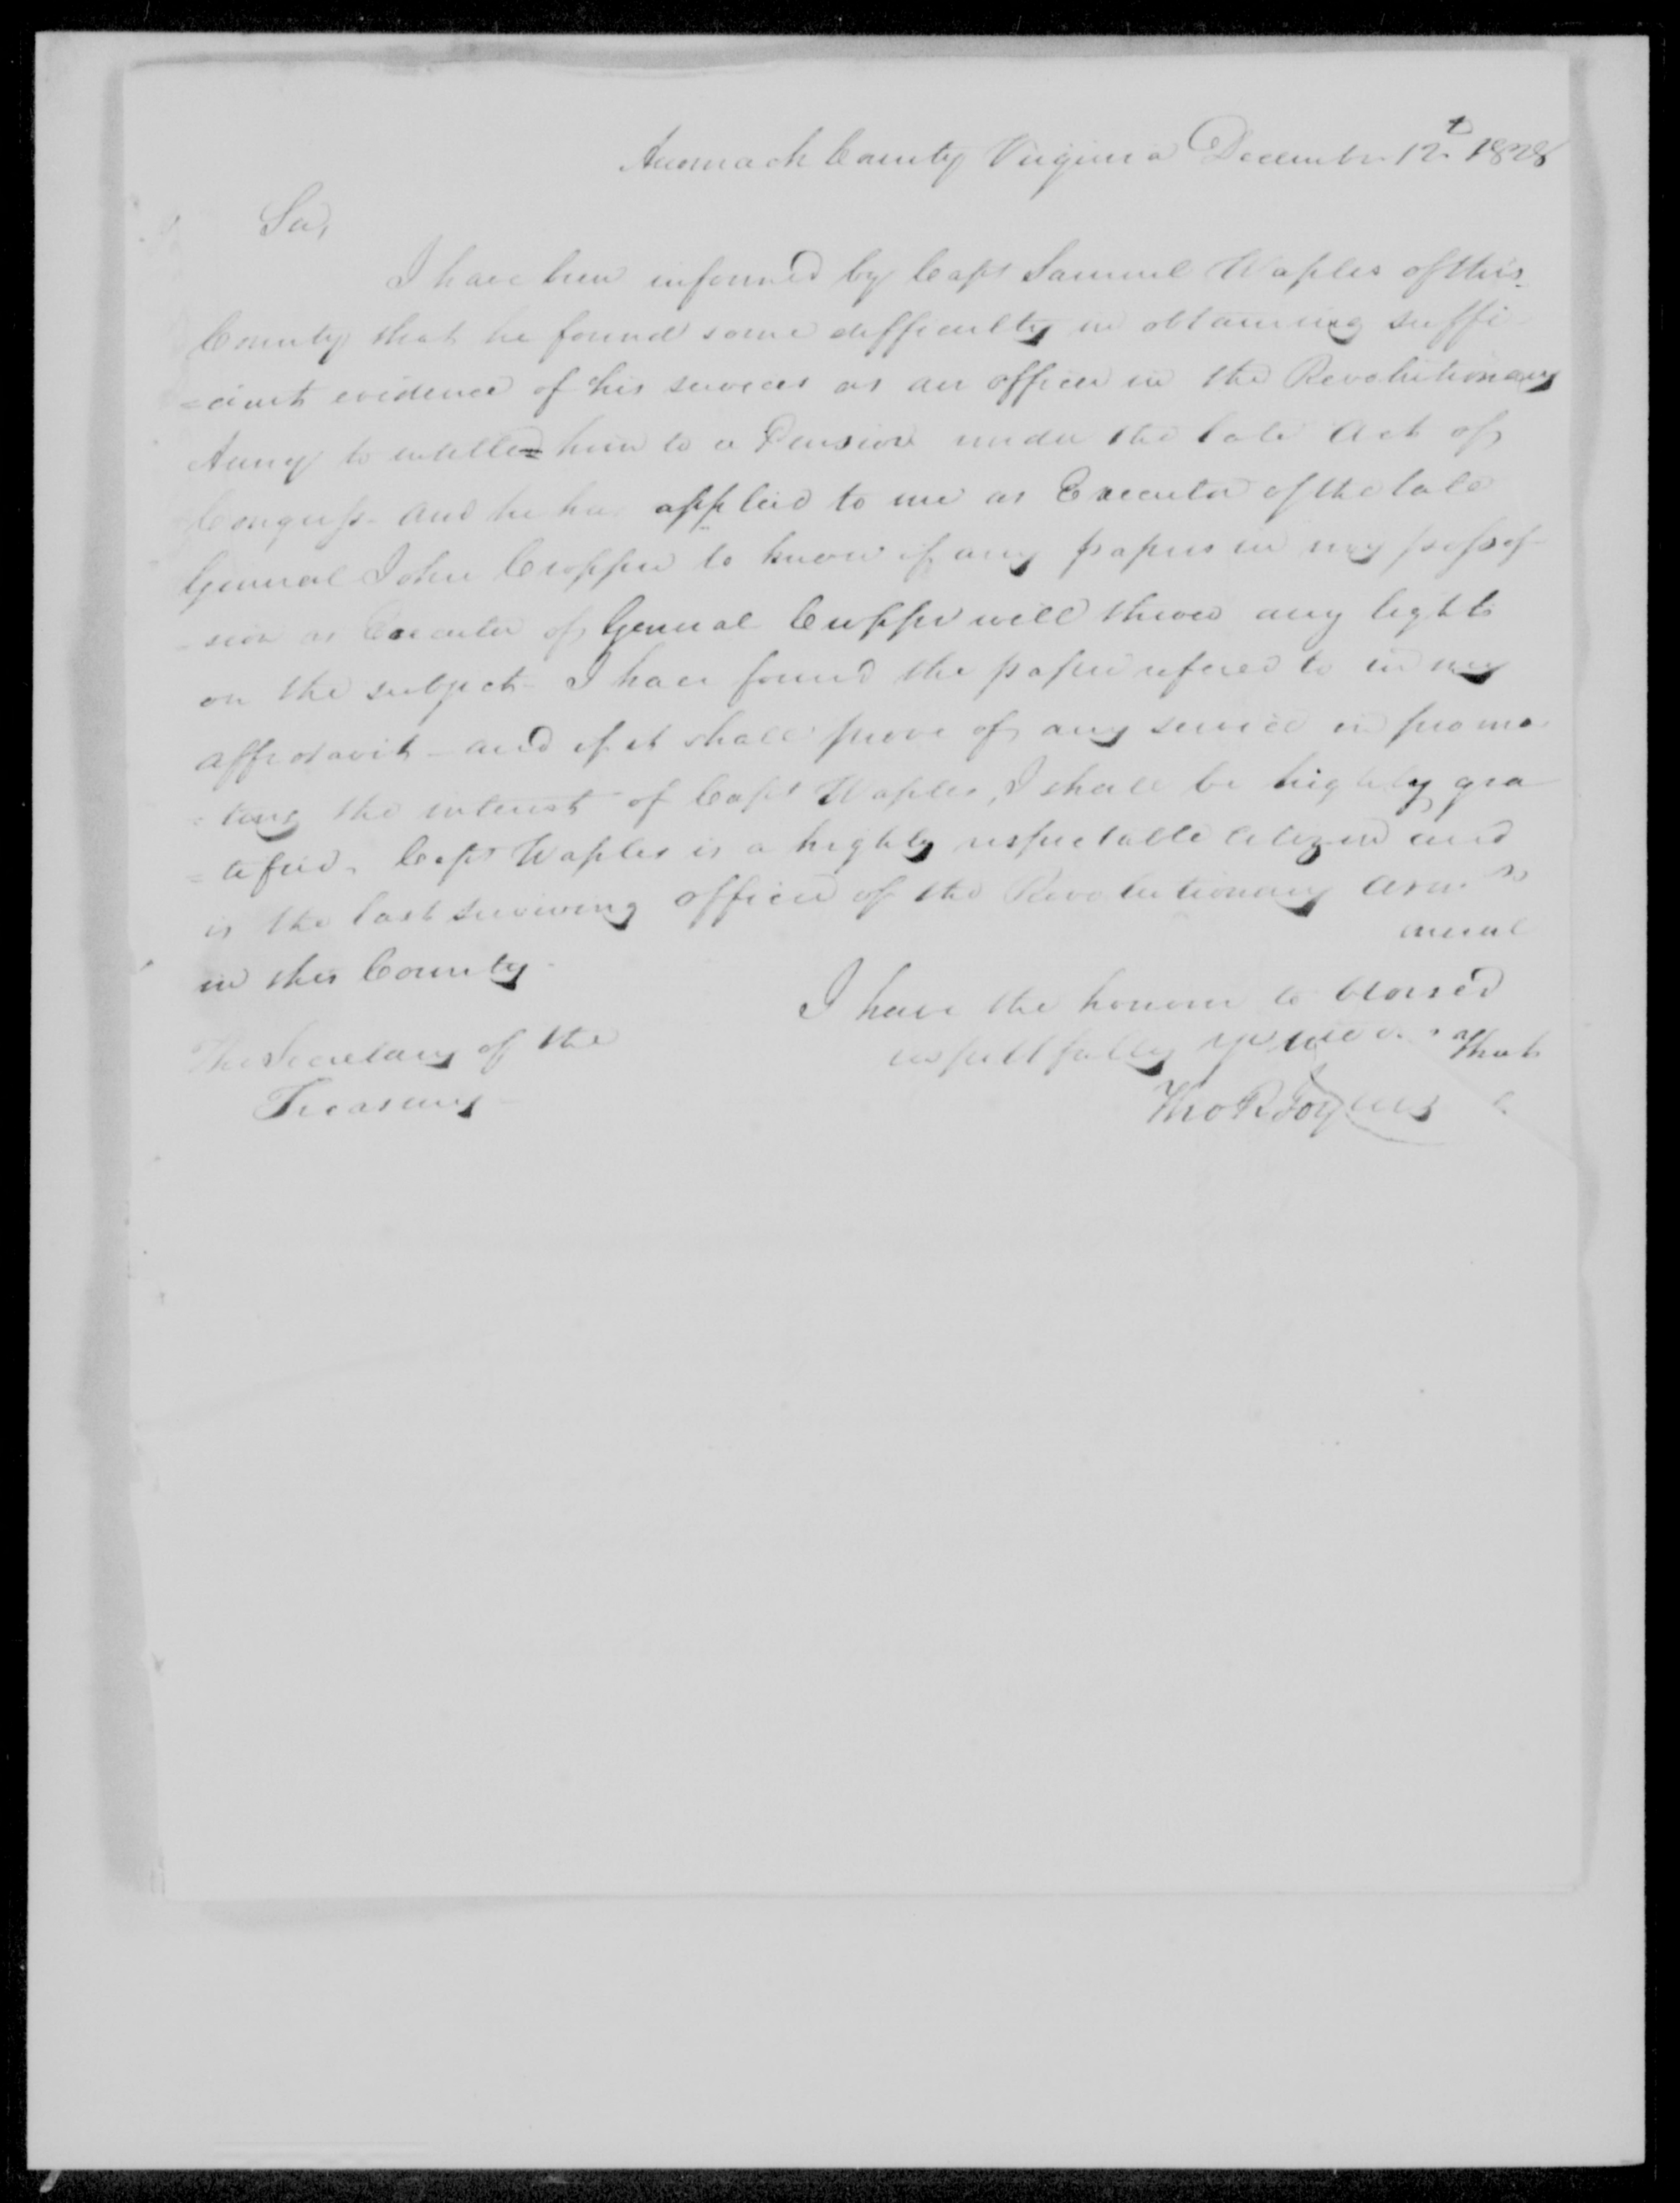Accomack County Virginia December 12th 1828
Sir,
I have been informed by Capt. Samuel Waples of this County that he found some difficulty in obtaining sufficient evidence of the services as an officer in the Revolutionary Army to entitle him to a Pension under the late Act of Congress and he has applied to me as Executor of the late General John Cuppin to know if any papers in my possession as Executor of General Cupper will show any light on the subject. I have found the papers referred to in my affidavit - and if it shall prove of any service in promoting the interests of Capt.  Waples, I shall be highly gratified. Capt. Waples is a highly respectable Citizen and is the last surviving Officer of the Revolutionary Army in the County.
I have the honor to Clorsed
in faithfully yours That
Tho R Joynes

The Secretary of the
Treasury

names: Cropper, Samuel Waples, John Cropper, Waples, Tho R Joynes, Waples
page: 39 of 59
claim: widow's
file: W. 6427, Samuel Waples, Va.